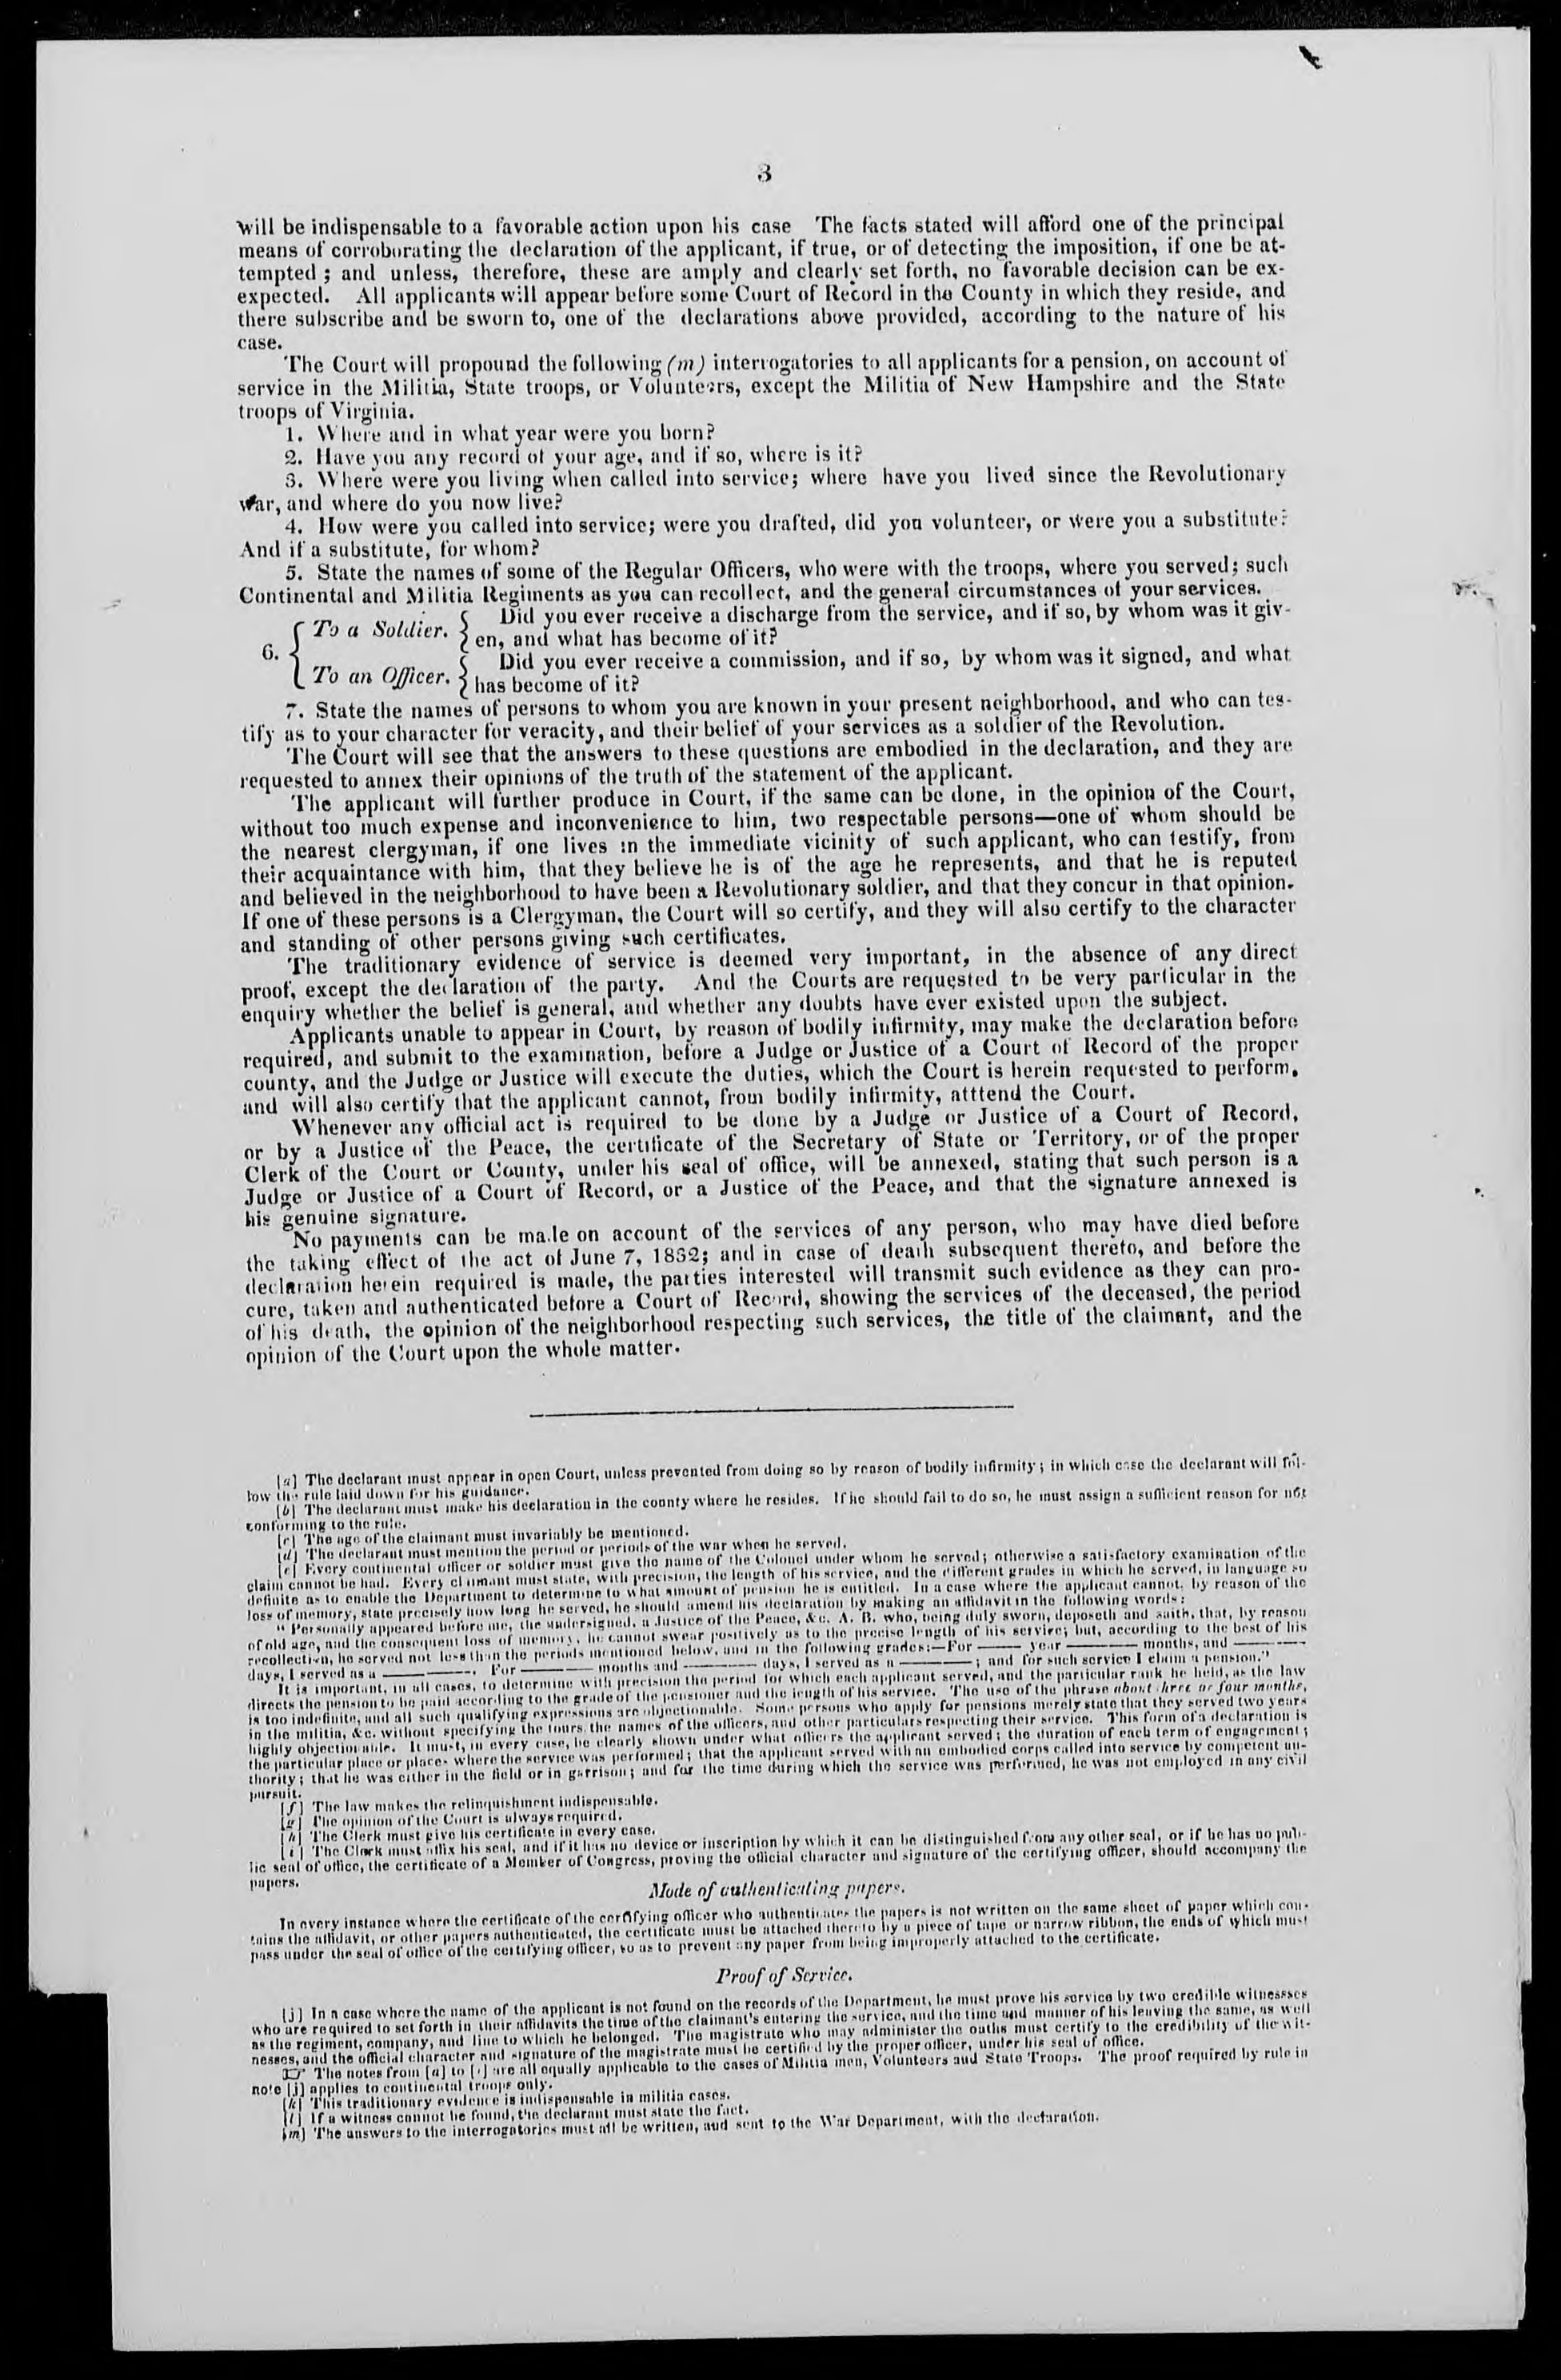3
will be indispensable to a favorable action upon his case. The facts stated will afford one of the principal means of corroborating the declaration of the applicant, if true, or of detecting the imposition, of one be attempted; and unless, therefore, these are amply and clearly set forth, no favorable action can be expected. All applicant will appear before some Court of Record in the County in which they reside, and there subscribe and be sworn to, one of the declarations above provided, according to the nature of his case.
The Court will propound the following (m) interrogatories to all applicants for a pension, on account of service in the Militia, State troops, or Volunteers, except the Militia of New Hampshire and the State troops of Virginia.
1. Where and in what year were you born?
2. Have you any record of your age, and of so, where is it?
3. Where were you living when called into service; where have you lived since the Revolutionary war, and where do you now live?
4. How were you called into service; were you drafted, did you volunteer, or were you a substitute? And if a substitute, for whom?
5. State the names of some of the Regular Officers, who were with the troops, where you served; such Continental and Militia Regiment as you can recollect, and the general circumstances of your service.
6. To a Soldier} Did you ever receive a discharge, and if so, by whom was it given, and what has become of it?
To an Officer} Did your ever receive a commission, and if so, by whom was it signed, and what has become of it?
7. State the names of persons to whom you are known in your present neighborhood, and who can testify as to your character for veracity, and their belief of your services as a soldier of the Revolution.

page: 10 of 14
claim: survivor's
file: S. 10389, Samuel Blanden, Conn. Mass